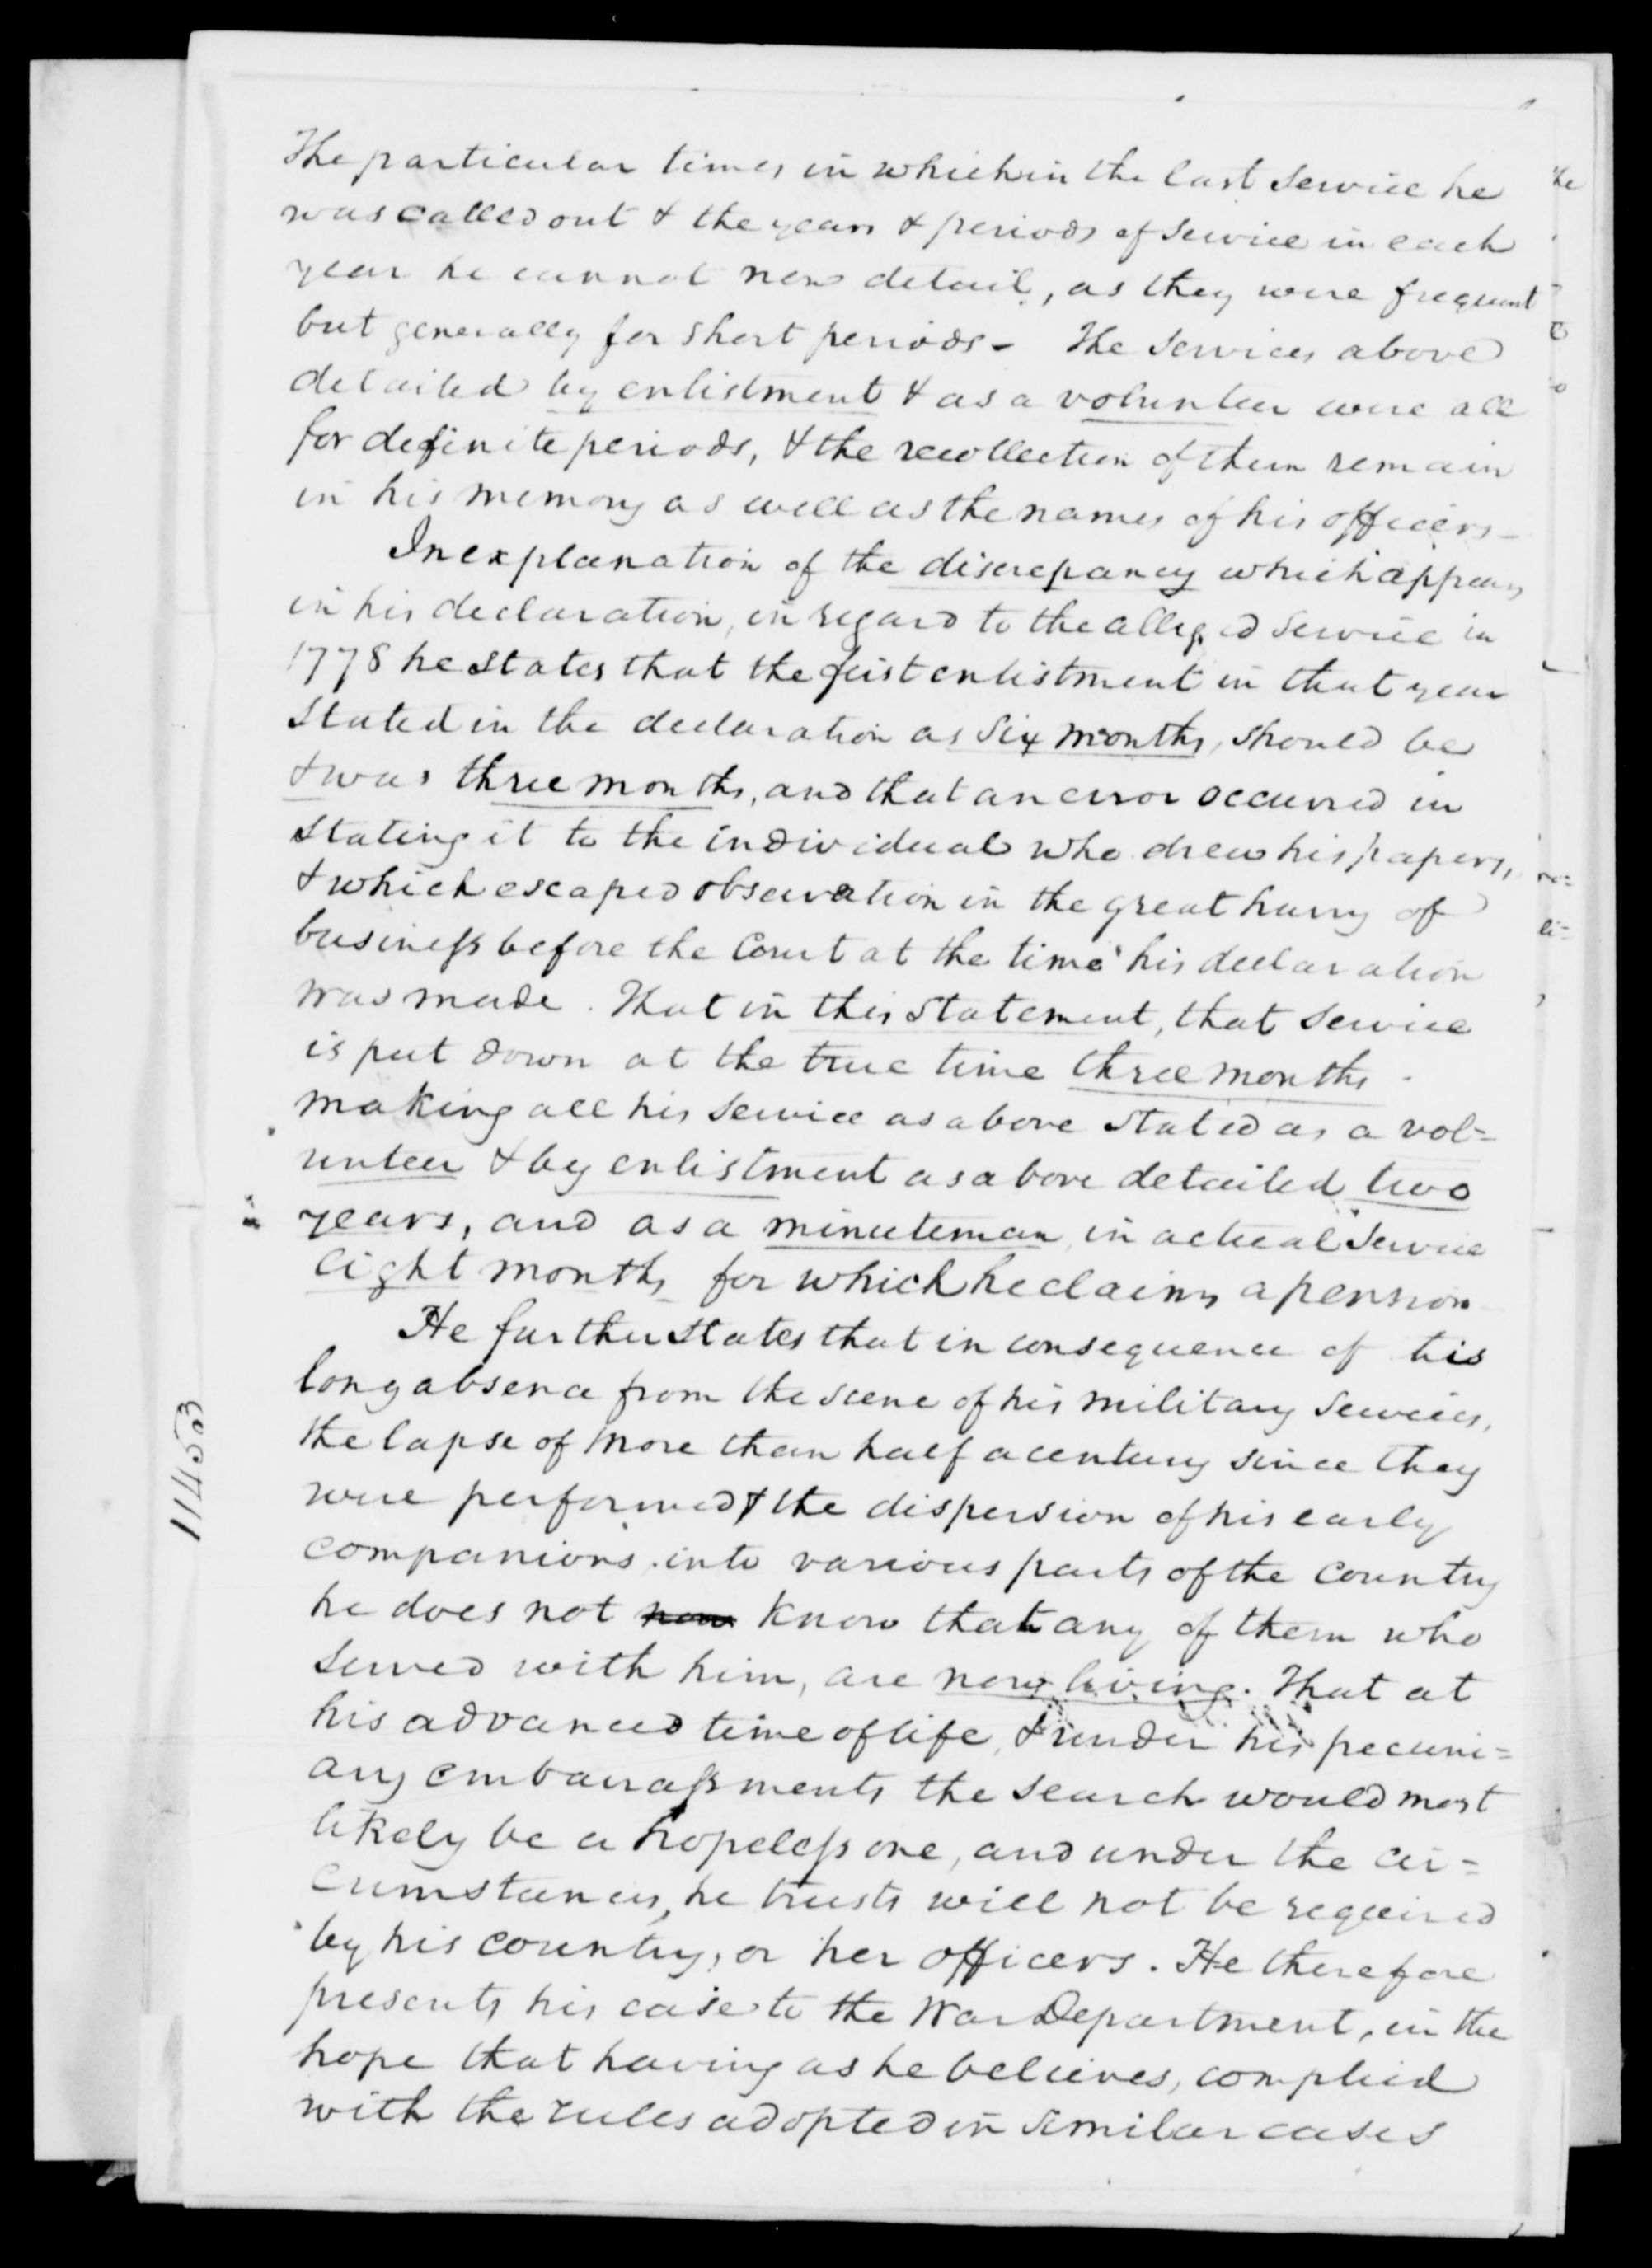The particular times in which in the last service he was called out & the years & periods of service in each year he cannot now detail, as they were frequent but generally for short periods. The services above detailed by enlistment & as a volunteer were all for definite periods, & the recollection of them remain in his memory as well as the names of his officers-

In explanation of the discrepancy which appears in his declaration in regard to the alleged service in 1778 he states that the first enlistment in that year stated in the declaration as six months, should be & was three months, and that an error occurred in stating it to the individual who drew his papers, & which escaped observation in the great hurry of business before the Court at the time his declaration was made. That in this statement, that service is put down at the true time three months making all his service as above stated as a volunteer & by enlistment as above detailed two years, and as a minutemen in actual service eight months for which he claims a pension

He further states that in consequence of his long absence from the scene of his military services the lapse of more than half a century since they were performed & the dispersion of his early companions into various parts of the Country he does not know that any of them who served with him, are now living. That at his advanced time of life, & under his pecuniary embarrassments the search would most likely be a hopeless one, and under the circumstances, he trusts will not be required by his country, or his officers. He therefore presents his case to the War Department, in the hope that having as he believes, complied with the Rules adopted in similar cases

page: 19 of 70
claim: widow's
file: W. 3743, Dan Wattles, Conn.